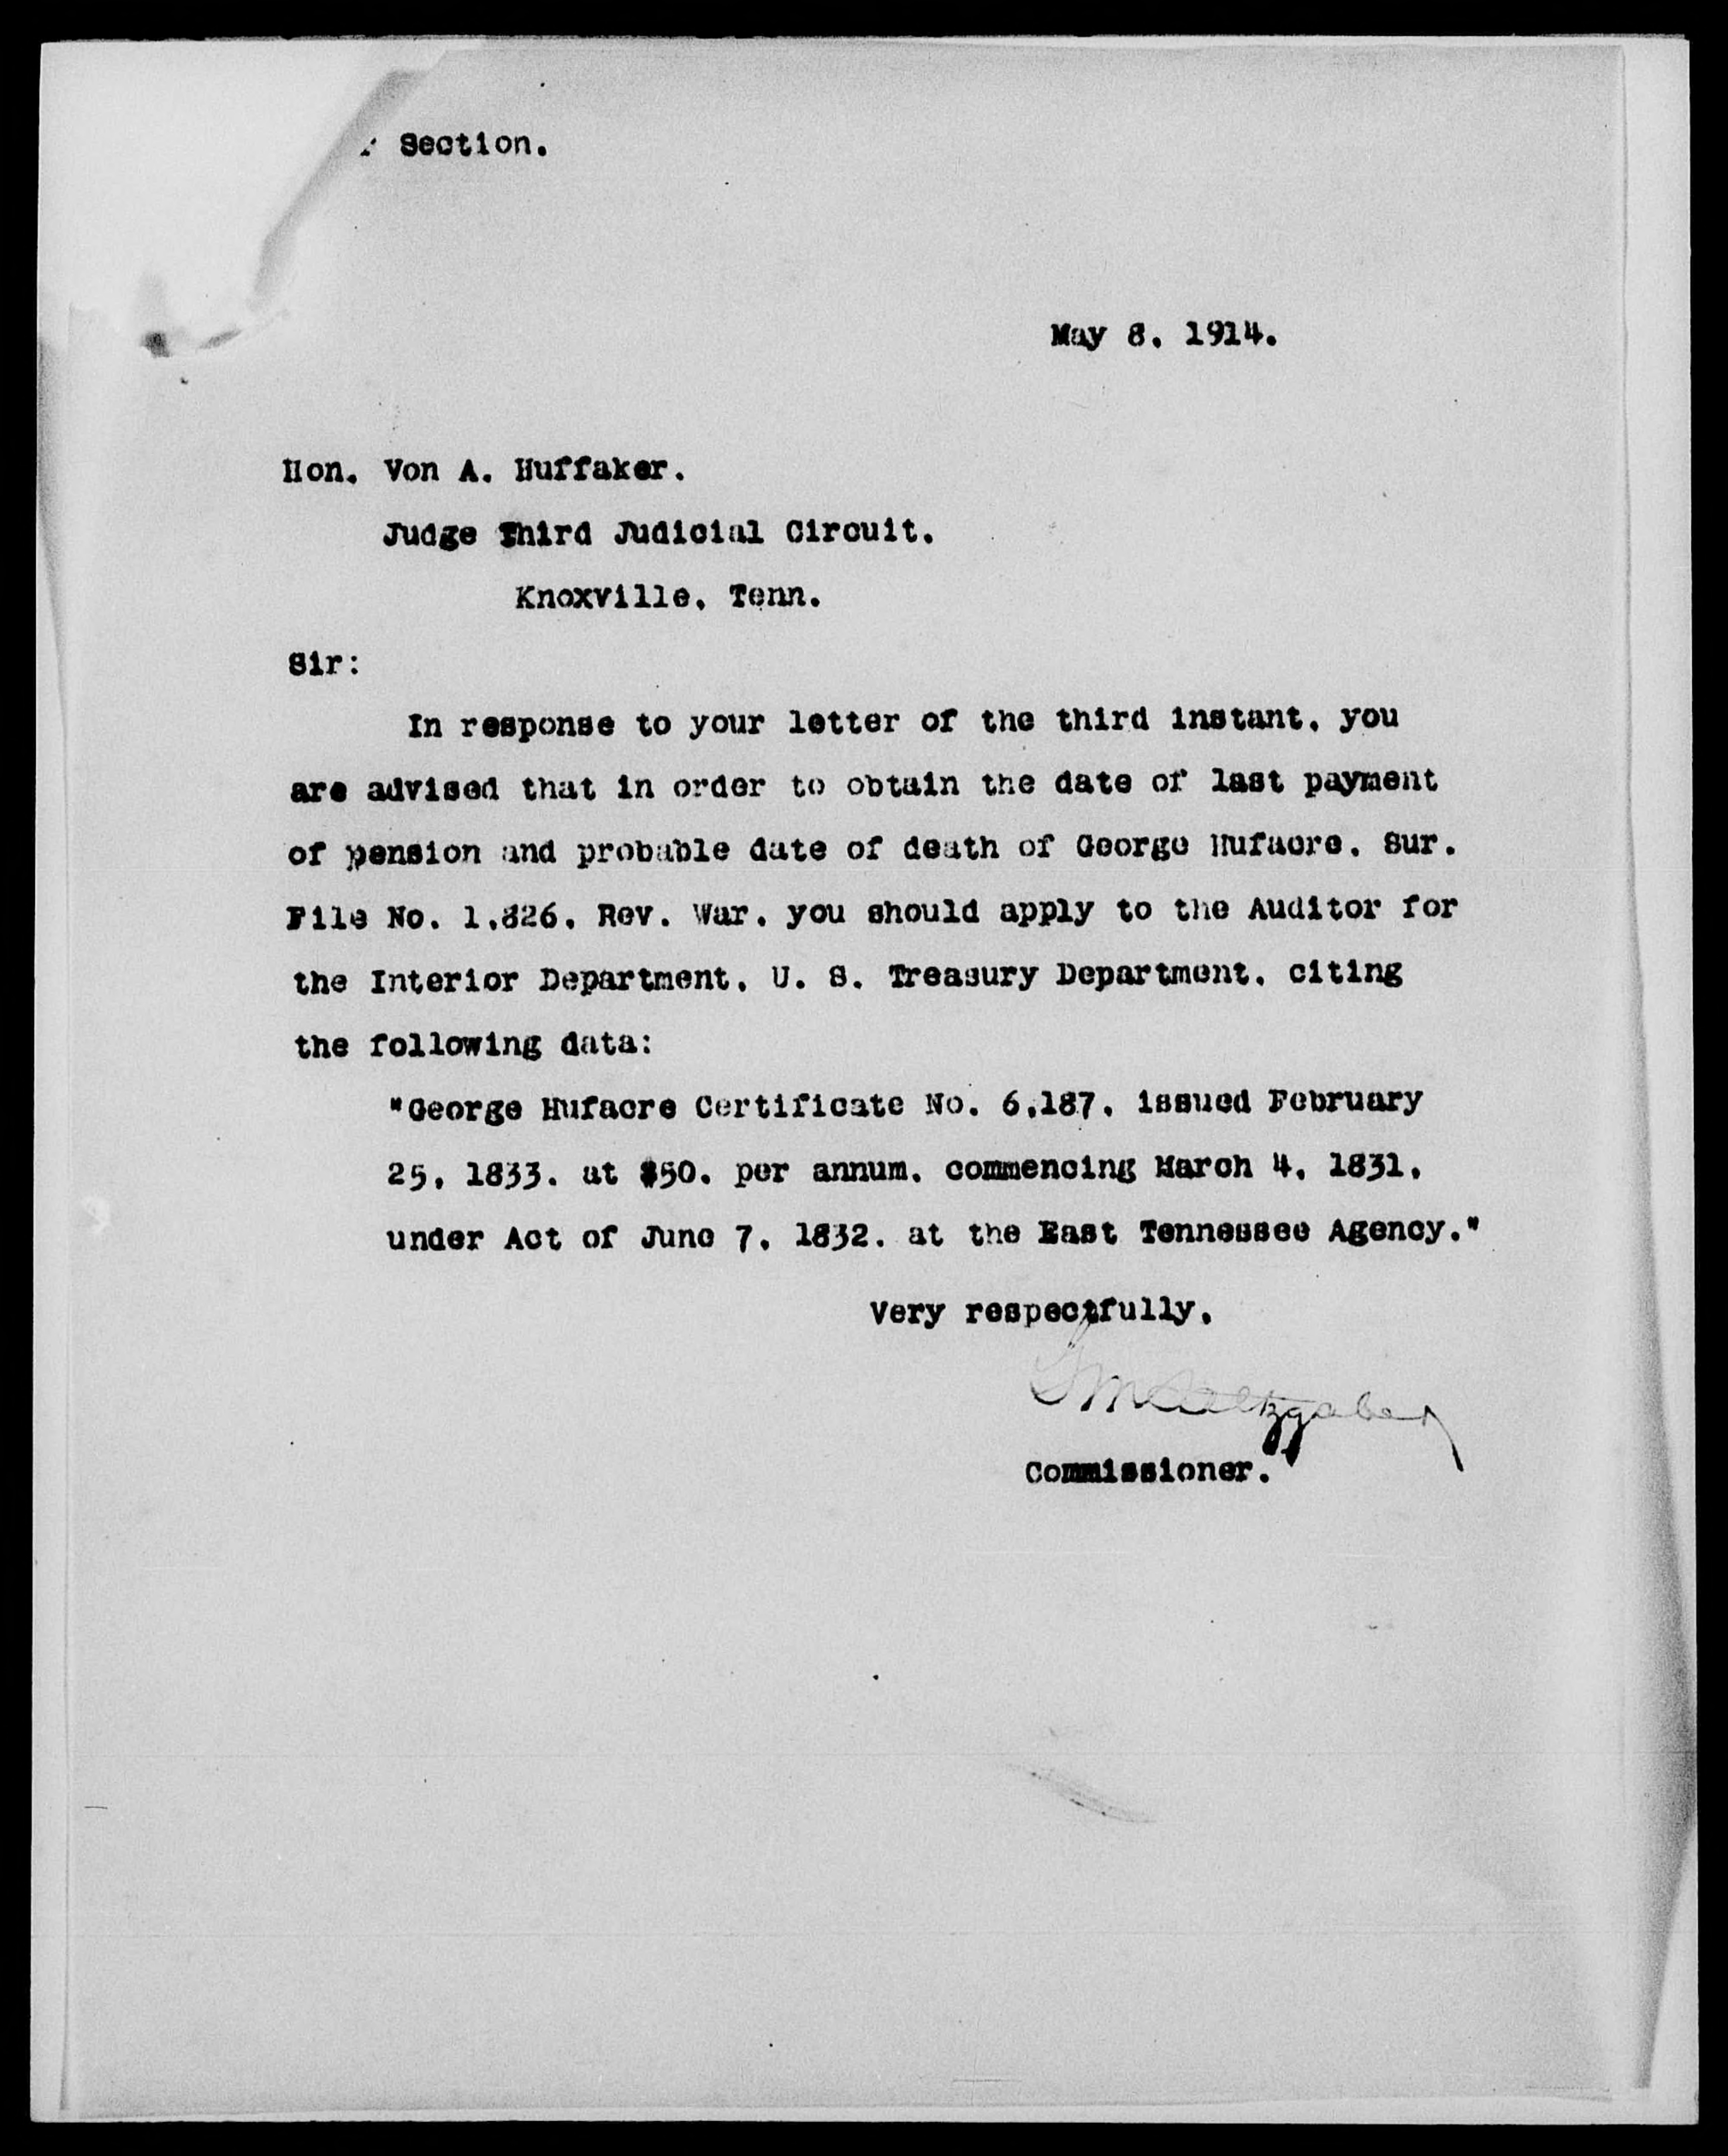Section.

May 6, 1914
Hon. Vopn A Huffaker
Judge Third Judicial Circuit
Knoxville, Tenn.

Sir:
In response to your letter of the third instant, you
are advised that in order to obtain the date of last payment
of pension and probable date of death of George Hufacre, Sur.
File No. 1,826, Rev. War, you should apply to the Auditor for
the Interior Department, U.S. Treasury Department, citing
the following data:
"George Hufacre Certificate No. 6187, issued February
25, 1833, at $50. per annum, commencing March 4 1831,
under Act of June 7, 1832, at East Tennessee Agency."
Very respectfully,
F M Saltzgaber
Commissioner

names: G W Saltzgaber, George Hufacre, Von A Huffaker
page: 17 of 19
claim: survivor's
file: S. 1826, George Hufacre, Va.